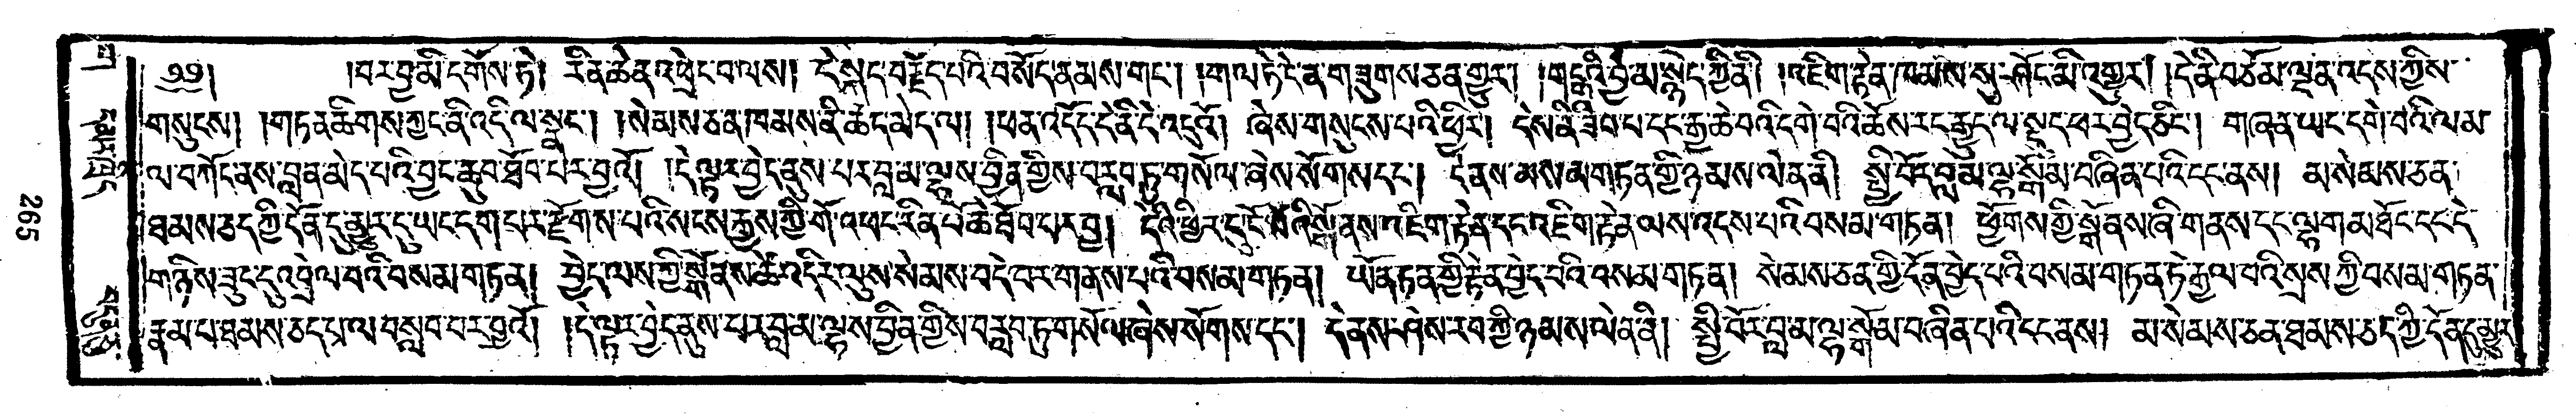༄༅། །བར་བྱ་མི་དགོས་ཏེ། རིན་ཆེན་འཕྲེང་བ་ལས། དེ་སྐད་བརྗོད་པའི་བསོད་ནམས་གང་། །གལ་ཏེ་དེ་ན་གཟུགས་ཅན་གྱུར། །གངྒཱའི་བྱེ་མ་སྙེད་ཀྱི་ནི། །འཇིག་རྟེན་ཁམས་སུ་ཤོང་མི་འགྱུར། །དེ་ནི་བཅོམ་ལྡན་འདས་ཀྱིས་
གསུངས། །གཏན་ཚིགས་ཀྱང་ནི་འདི་ལ་སྣང་། །སེམས་ཅན་ཁམས་ནི་ཚད་མེད་ལ། །ཕན་འདོད་དེ་ནི་དེ་འདྲའོ། ཞེས་གསུངས་པའི་ཕྱིར། དེས་ནི་ཟིབ་པ་དང་རྒྱ་ཆེ་བའི་དགེ་བའི་ཆོས་རང་རྒྱུད་ལ་སྡུད་ཕར་བྱེད་ཅིང་། གཞན་ཡང་དགེ་བའི་ལམ་
ལ་བཀོད་ནས་བླ་ན་མེད་པའི་བྱང་ཆུབ་ཐོབ་པར་བྱའོ། །དེ་ལྟར་བྱེད་ནུས་པར་བླ་མ་ལྷས་བྱིན་གྱིས་བརླབ་ཏུ་གསོལ་ཞེས་སོགས་དང་། དེ་ནས་?བསམ་གཏན་གྱི་ཉམས་ལེན་ནི། སྤྱི་བོར་བླ་མ་ལྷ་སྒོམ་བཞིན་པའི་ངང་ནས། མ་སེམས་ཅན་
ཐམས་ཅད་ཀྱི་དོན་དུ་མྱུར་དུ་ཡང་དག་པར་རྫོགས་པའི་སངས་རྒྱས་ཀྱི་གོ་འཕང་རིན་པོ་ཆེ་ཐོབ་པར་བྱ། དེའི་ཕྱིར་དུ་ངོ་བོའི་སྒོ་ནས་འཇིག་རྟེན་དང་འཇིག་རྟེན་ལས་འདས་པའི་བསམ་གཏན། ཕྱོགས་གྱི་སྒོ་ནས་ཞི་གནས་དང་ལྷག་མཐོང་དང་དེ་
གཉིས་ཟུང་དུ་འབྲེལ་བའི་བསམ་གཏན། བྱེད་ལས་ཀྱི་སྒོ་ནས་ཚེ་འདིར་ལུས་སེམས་བདེ་བར་གནས་པའི་བསམ་གཏན། ཡོན་ཏན་གྱི་རྟེན་བྱེད་བའི་བསམ་གཏན། སེམས་ཅན་གྱི་དོན་བྱེད་པའི་བསམ་གཏན་ཏེ་རྒྱལ་བའི་སྲས་ཀྱི་བསམ་གཏན་
རྣམ་པ་ཐམས་ཅད་པ་ལ་བསླབ་བར་བྱའོ། །དེ་ལྟར་བྱེད་ནུས་པར་བླ་མ་ལྷས་བྱིན་གྱིས་བརླབ་ཏུ་གསོལ་ཞེས་སོགས་དང་། དེ་ནས་ཤེས་རབ་ཀྱི་ཉམས་ལེན་ནི། སྤྱི་བོར་བླ་མ་ལྷ་སྒོམ་བཞིན་པའི་ངང་ནས། མ་སེམས་ཅན་ཐམས་ཅད་ཀྱི་དོན་དུ་མྱུར་